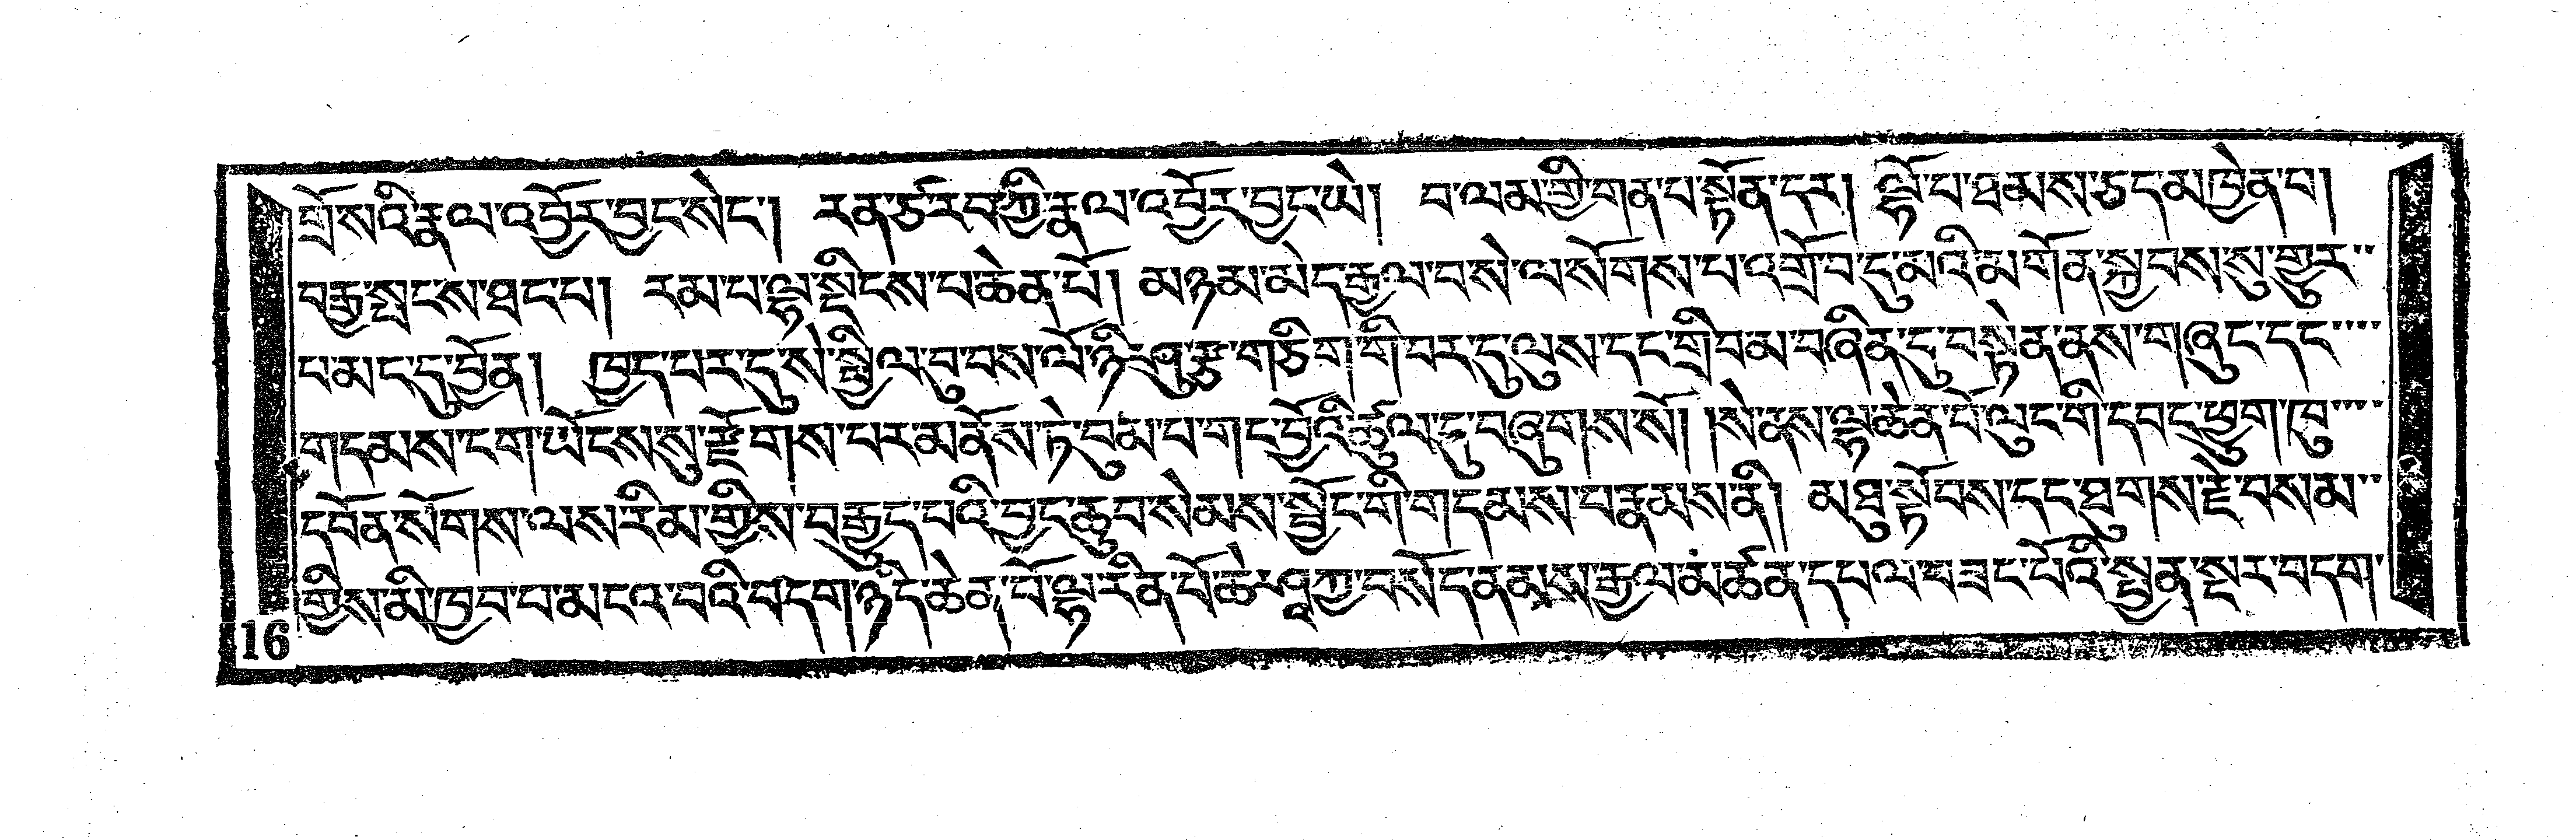གྲོ་སའི་རྣལ་འབྱོར་བྱང་སེང་། རན་ཙ་རབ་ཀྱི་རྣལ་འབྱོར་བྱང་ཡེ། བ་ལམ་གྱི་གན་པ་སྟོན་དར། ལྷོ་པ་ཐམས་ཅད་མཁྱེན་པ།
བརྒྱ་སྤངས་ཐང་པ། རམ་པ་ལྷ་སྡིངས་པ་ཆེན་པོ། མཉམ་མེད་རྒྱལ་བ་སེ་ལ་སོགས་པ་འགྲོ་བ་དུ་མའི་མགོན་སྐྱབས་སུ་གྱུར་
པ་མང་དུ་བྱོན། ཁྱད་པར་དུ་སེ་སྤྱིལ་བུ་བས་ལོ་ཉི་ཤུ་རྩ་གཅིག་གི་བར་དུ་ལུས་དང་གྲིབ་མ་བཞིན་དུ་བསྟེན་ནས་གཞུང་དང་
གདམས་ངག་ཡོངས་སུ་རྫོགས་པར་མནོས་ཏེ་བུམ་པ་གང་བྱོའི་ཚུལ་དུ་བཞུགས་སོ། །སེ་ནས་ལྷ་ཆེན་པོ་ལུང་གི་དབང་ཕྱུག་ཁུ་
དབོན་སོགས་ལས་རིམ་གྱིས་བརྒྱུད་པའི་བྱང་ཆུབ་སེམས་སྦྱོང་གི་གདམས་པ་རྣམས་ནི། མཐུ་སྟོབས་དང་ཐུགས་རྗེ་བསམ་
གྱིས་མི་ཁྱབ་པ་མངའ་བའི་བདག་ཉིད་ཆེན་པོ་ལྷ་རིན་པོ་ཆེ་ཤཱཀྱ་བསོད་ནམས་རྒྱལ་མཚན་དཔལ་བཟང་པོའི་སྤྱན་སྔར་བདག་